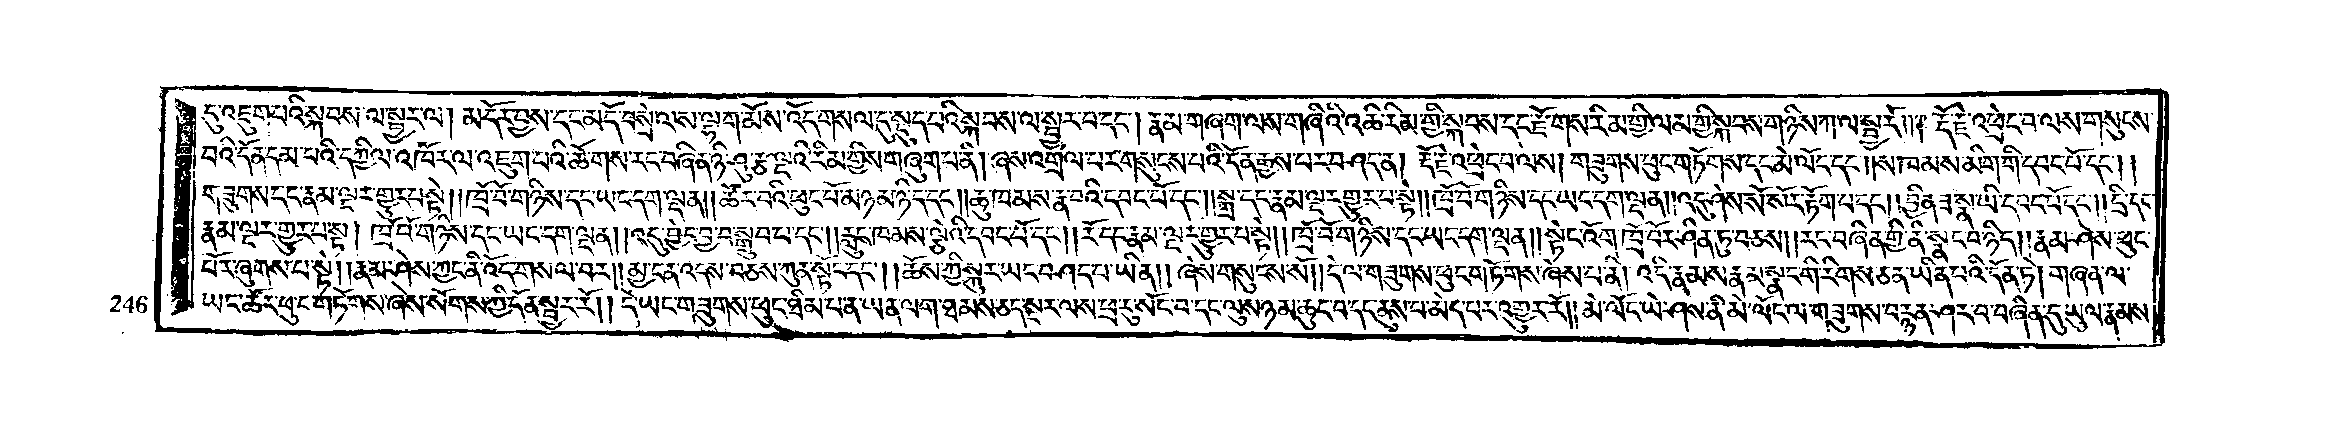དུ་འཇུག་པའི་སྐབས་ལ་སྦྱར་ལ། མདོར་བྱས་དང་མདོ་བསྲེ་ལས་ལྷག་མོས་འོད་གསལ་དུ་སྡུད་པའི་སྐབས་ལ་སྦྱར་བ་དང་། རྣམ་གཞག་ལས་གཞིའི་འཆི་རིམ་གྱི་སྐབས་དང་རྫོགས་རིམ་གྱི་ལམ་གྱི་སྐབས་གཉིས་ཀ་ལ་སྦྱར་རོ།། ༈ རྡོ་རྗེ་འཕྲེང་བ་ལས་གསུངས་
བའི་དོན་དམ་པའི་དཀྱིལ་འཁོར་ལ་འཇུག་པའི་ཆོ་གས་རང་བཞིན་ཉི་ཤུ་རྩ་ལྔའི་རིམ་གྱིས་གཞུག་པ་ནི། ཞེས་འགྲེལ་པར་གསུངས་པའི་དོན་རྒྱས་པར་བཤད་ན། རྡོ་རྗེ་འཕྲེང་བ་ལས། གཟུགས་ཕུང་གཏོགས་དང་མེ་ལོང་དང་། །ས་ཁམས་མིག་གི་དབང་པོ་དང་། །
གཟུགས་དང་རྣམ་ལྔར་གྱུར་པ་སྟེ། །ཁྲོ་བོ་གཉིས་དང་ཡང་དག་ལྡན། །ཚོར་བའི་ཕུང་པོ་མཉམ་ཉིད་དང་། །ཆུ་ཁམས་རྣ་བའི་དབང་པོ་དང་། །སྒྲ་དང་རྣམ་ལྔར་གྱུར་པ་སྟེ། །ཁྲོ་བོ་གཉིས་དང་ཡང་དག་ལྡན། །འདུ་ཤེས་སོ་སོར་རྟོག་པ་དང་། །བྱིན་ཟ་སྣ་ཡི་དབང་པོ་དང་། །དྲི་དང་
རྣམ་ལྔར་གྱུར་པ་སྟེ། ཁྲོ་བོ་གཉིས་དང་ཡང་དག་ལྡན། །འདུ་བྱེད་བྱ་བ་སྒྲུབ་པ་དང་། །རླུང་ཁམས་ལྕེའི་དབང་པོ་དང་། །རོ་དང་རྣམ་ལྔར་གྱུར་པ་སྟེ། །ཁྲོ་བོ་གཉིས་དང་ཡང་དག་ལྡན། །སྟེང་འོག་ཁྲོ་བོར་ཤིན་ཏུ་བཅས། །རང་བཞིན་གྱི་ནི་སྣང་བ་ཉིད། །རྣམ་ཤེས་ཕུང་
པོར་ཞུགས་པ་སྟེ། །རྣམ་ཤེས་ཀྱང་ནི་འོད་གསལ་བར། །མྱ་ངན་འདས་བཅས་ཀུན་སྟོང་དང་། །ཆོས་ཀྱི་སྐུར་ཡང་བཤད་པ་ཡིན། །ཞེས་གསུངས་སོ། །དེ་ལ་གཟུགས་ཕུང་གཏོགས་ཞེས་པ་ནི། འདི་རྣམས་རྣམ་སྣང་གི་རིགས་ཅན་ཡིན་པའི་དོན་ཏེ། གཞན་ལ་
ཡང་ཚོར་ཕུང་གཏོགས་ཞེས་སོགས་ཀྱི་དོན་སྦྱར་རོ། །དེ་ཡང་གཟུགས་ཕུང་ཐིམ་པ་ན་ཡན་ལག་ཐམས་ཅད་སྔར་ལས་ཕྲ་རུ་སོང་བ་དང་ལུས་ཉམ་ཆུང་བ་དང་ནུས་པ་མེད་པར་འགྱུར་རོ། །མེ་ལོང་ཡེ་ཤེས་ནི་མེ་ལོང་ལ་གཟུགས་བརྙན་ཤར་བ་བཞིན་དུ་ཡུལ་རྣམས་